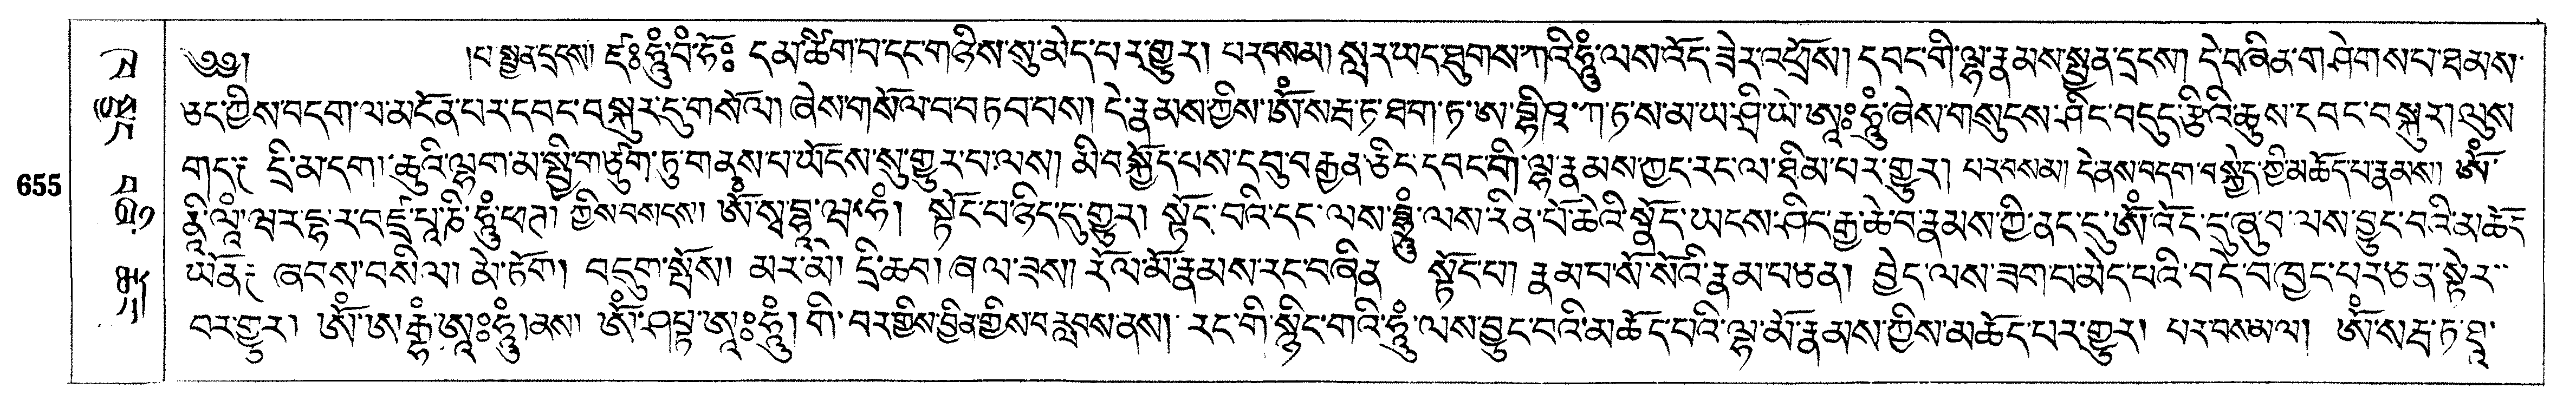༄༅། །པ་སྤྱན་དྲངས། ཛཿཧཱུཾ་བཾ་ཧོཿ དམ་ཚིག་པ་དང་གཉིས་སུ་མེད་པར་གྱུར། པར་བསམ། སླར་ཡང་ཐུགས་ཀའི་ཧཱུཾ་ལས་འོད་ཟེར་འཕྲོས། དབང་གི་ལྷ་རྣམས་སྤྱན་དྲངས། དེ་བཞིན་གཤེགས་པ་ཐམས་
ཅད་ཀྱིས་བདག་ལ་མངོན་པར་དབང་བསྐུར་དུ་གསོལ། ཞེས་གསོལ་བ་བཏབ་པས། དེ་རྣམས་ཀྱིས་ཨོཾ་སརྦ་ཏ་ཐག་ཏ་ཨ་བྷིཥ་ཀ་ཏ་ས་མ་ཡ་ཤྲི་ཡེ་ཨཱཿ ཧཱུཾ་ཞེས་གསུངས་ཤིང་བདུད་རྩིའི་ཆུས་དབང་བསྐུར། ལུས་
གད༑ དྲི་མ་དག། ཆུའི་ལྷག་མ་སྤྱི་གཙུག་ཏུ་གནས་པ་ཡོངས་སུ་གྱུར་པ་ལས། མི་བསྐྱོད་པས་དབུ་བརྒྱན་ཅིང་དབང་གི་ལྷ་རྣམས་ཀྱང་རང་ལ་ཐིམ་པར་གྱུར། པར་བསམ། དེ་ནས་བདག་བསྐྱེད་ཀྱི་མཆོད་པ་རྣམས། ཨོཾ་
ནཱི་ལཱཾ་ཝ་ར་དྷ་ར་བཛྲ་པཱ་ཎི་ཧཱུཾ་ཕཊ། ཀྱིས་བསངས། ཨོཾ་སྭ་བྷཱ་ཝ་ཧཾ། སྟོང་པ་ཉིད་དུ་གྱུར། སྟོང་བའི་ངང་ལས་བྷྲཱུཾ་ལས་རིན་པོ་ཆེའི་སྣོད་ཡངས་ཤིང་རྒྱ་ཆེ་བ་རྣམས་ཀྱི་ནང་དུ་ཨོཾ་འོད་དུ་ཞུ་བ་ལས་བྱུང་བའི་མཆོད་
ཡོན༑ ཞབས་བསིལ། མེ་ཏོག། བདུག་སྤོས། མར་མེ། དྲི་ཆབ། ཞལ་ཟས། རོལ་མོ་རྣམས་རང་བཞིན་སྟོང་པ། རྣམ་པ་སོ་སོའི་རྣམ་པ་ཅན། བྱེད་ལས་ཟག་པ་མེད་པའི་བདེ་བ་ཁྱད་པར་ཅན་སྟེར་
བར་གྱུར། ཨོཾ་ཨརྒྷཾ་ཨཱཿ ཧཱུཾ། ནས། ཨོཾ་ཤཔྟ་ཨཱཿ ཧཱུཾ། གི་བར་གྱིས་བྱིན་གྱིས་བརླབས་ནས། རང་གི་སྙིང་གའི་ཧཱུཾ་ལས་བྱུང་བའི་མཆོད་པའི་ལྷ་མོ་རྣམས་ཀྱིས་མཆོད་པར་གྱུར། པར་བསམ་ལ། ཨོཾ་སརྦ་ཏ་ཐཱ་